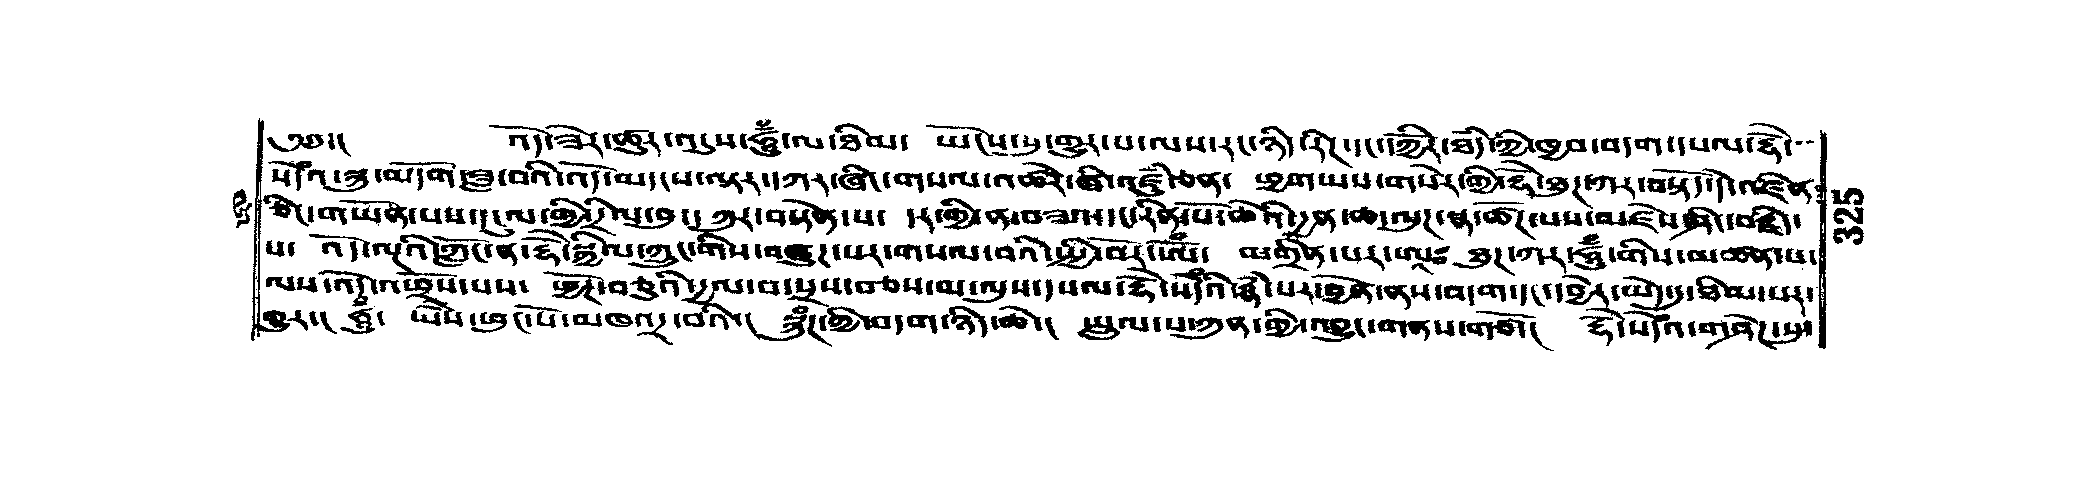འོད་ཟེར་ཚུལ་འདུས་ཧཱུྃ་ལ་ཐིམ། ཡོངས་སུ་གྱུར་པ་ལ་རང་ཉིད་རིགས་དང་དཀྱིལ་འཁོར་ཐམས་ཅད་ཀྱི་ཁྱབ་བདག་དཔལ་རྡོ་རྗེ་
སེམས་དཔའ་སྐུ་མདོག་ཟླ་བའི་འོད་མདངས་ལྟར་དཀར་ཞིང་གསལ་འཚེར་ཞི་འཛུམ་ཅན། ཕྱག་གཡས་གསེར་གྱི་རྡོ་རྗེ་ཐུགས་ཀར་བསྟོད་དེ་འཛིན་
ཅིང་གཡོན་པས་དངུལ་གྱི་དྲིལ་བུ་དཀུར་བསྟེན་པ། དར་གྱི་ན་བཟའ་དང་རིན་པོ་ཆེའི་རྒྱན་ཆ་ལུགས་སྣ་ཚོགས་པས་མཛེས་ཤིང་བརྗིད་
པ། འོད་ལྔའི་ཀློང་ན་རྡོ་རྗེ་སྐྱིལ་ཀྲུང་གིས་བཞུགས་པར་གསལ་བའི་སྤྱི་བོར་ཨོཾ་མགྲིན་པ་ཨཱཿ ཐུགས་དཀར་ཧཱུྃ་གིས་མཚན་པ་
ལས་འོད་འཕྲོས་པས། ཕྱོགས་བཅུའི་རྒྱལ་བ་སྲས་བཅས་མ་ལུས་དཔལ་རྡོ་རྗེ་སེམས་དཔའི་རྣམ་པར་བྱོན་ནས་བདག་དང་དབྱེར་མེད་དུ་ཐིམ་པར་
གྱུར། ཧཱུྃ། ཡེ་ཤེས་ཕུང་པོ་མཁའ་འདྲ་བའི། སྐུ་གསུང་ཐུགས་ཀྱི་བདག་ཉིད་ཆེ། །སྤྲུལ་པ་ཀུན་གྱི་འབྱུང་གནས་གཙོ། །རྡོ་རྗེ་སེམས་དཔའ་གཤེགས་སུ་